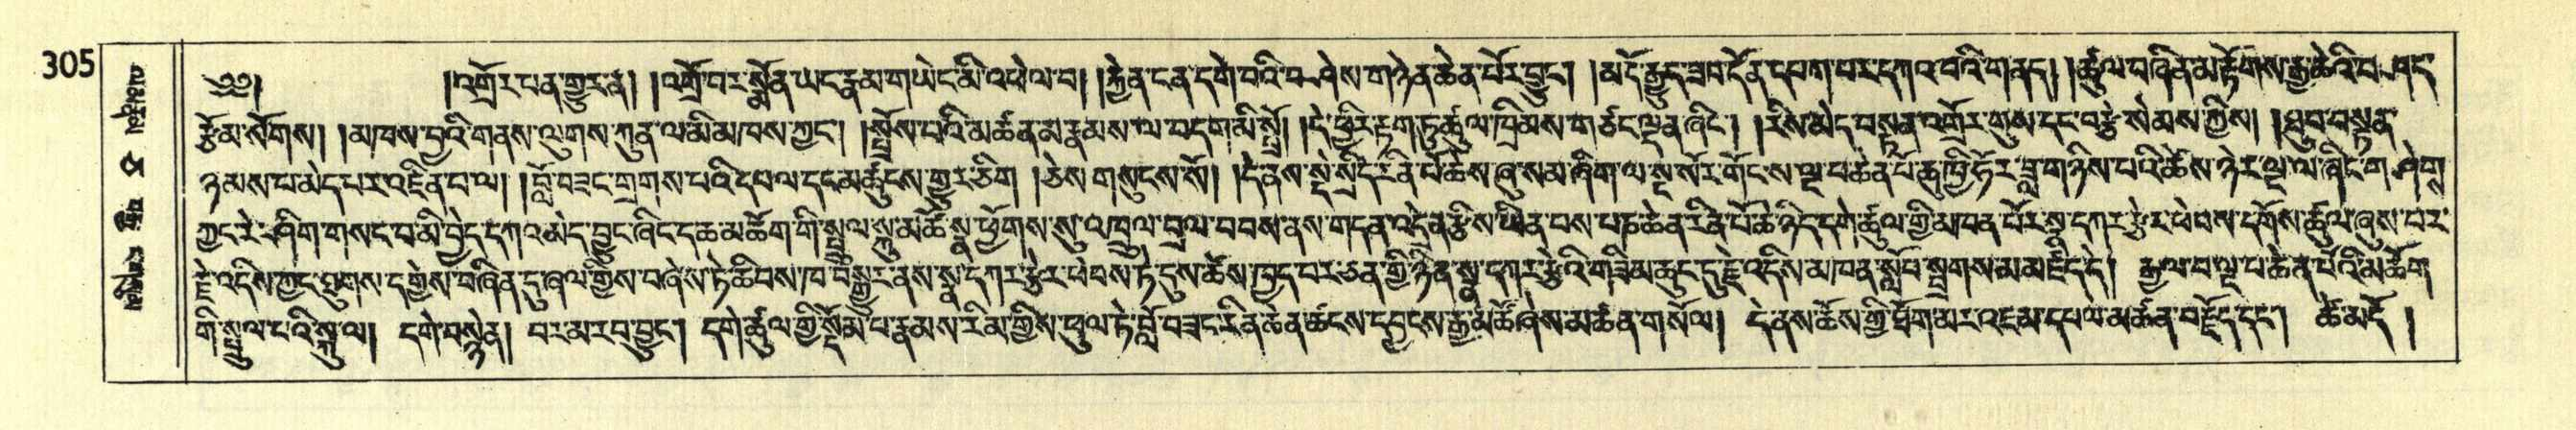༄༅། །འགྲོར་པན་གྱུར་ན། །འགྲོ་བར་སྨོན་ཡང་རྣམ་གཡེང་མི་འཕེལ་བ། །རྐྱེན་ངན་དགེ་བའི་བཤེས་གཉེན་ཆེན་པོར་བྱུང་། །མདོ་རྒྱུད་ཟབ་དོན་དཔག་པར་དཀའ་བའི་གནད། །ཚུལ་བཞིན་མ་རྟོགས་རྒྱ་ཆེའི་བཤད་
རྩོམ་སོགས། །མཁས་བྱའི་གནས་ལུགས་ཀུན་ལ་མི་མཁས་ཀྱང་། །སྤྲོས་པའི་མཚན་མ་རྣམས་ལ་བདག་མི་སྤྲོ། །དེ་ཕྱིར་རྟག་ཏུ་ཚུལ་ཁྲིམས་གཙང་ལྡན་ཞིང་། །རིས་མེད་བསྟན་འགྲོར་གུས་དང་བརྩེ་སེམས་ཀྱིས། །ཐུབ་བསྟན་
ཉམས་པ་མེད་པར་འཛིན་པ་ལ། །བློ་བཟང་གྲགས་པའི་དཔལ་དང་མཚུངས་གྱུར་ཅིག །ཅེས་གསུངས་སོ། །དེ་ནས་སྡེ་སྲིད་རིན་པོ་ཆེས་ཞུ་སམ་ཞིག་ལ་སྔ་སོར་གོང་ས་ལྔ་པ་ཆེན་པོ་ཆུ་ཁྱི་ཧོར་ཟླ་གཉིས་པའི་ཚེས་ཉེར་ལྔ་ལ་ཞིང་གཤེགས་
ཀྱང་རེ་ཤིག་གསང་བ་མི་བྱེད་དཀའ་མེད་བྱུང་ཞིང་ད་ཆ་མཆོག་གི་སྤྲུལ་སྐུ་མཚོ་སྣ་ཕྱོགས་སུ་འཁྲུལ་བྲལ་བབས་ནས་གདན་འདྲེན་རྩིས་ཡིན་པས་པཎ་ཆེན་རིན་པོ་ཆེ་ཉིད་དགེ་ཚུལ་གྱི་མཁན་པོར་སྣ་དཀར་རྩེར་ཕེབས་དགོས་ཚུལ་ཞུས་པར་
རྗེ་འདིས་ཀྱང་ཐུགས་དགྱེས་བཞིན་དུ་ཞལ་གྱིས་བཞེས་ཏེ་ཆིབས་ཁ་བསྒྱུར་ནས་སྣ་དཀར་རྩེར་ཕེབས་ཏེ་དུས་ཆོས་ཁྱད་པར་ཅན་གྱི་ཉིན་སྣ་དཀར་རྩེའི་གཟིམ་ཆུང་དུ་རྗེ་འདིས་མཁན་སློབ་སྦྲགས་མ་མཛད་དེ། རྒྱལ་བ་ལྔ་པ་ཆེན་པོའི་མཆོག་
གི་སྤྲུལ་པའི་སྐུ་ལ། དགེ་བསྙེན། བར་མ་རབ་བྱུང་། དགེ་ཚུལ་གྱི་སྡོམ་པ་རྣམས་རིམ་གྱིས་ཕུལ་ཏེ་བློ་བཟང་རིན་ཆེན་ཚངས་དབྱངས་རྒྱ་མཚོ་ཞེས་མཚན་གསོལ། དེ་ནས་ཆོས་ཀྱི་ཐོག་མར་འཇམ་དཔལ་མཚན་བརྗོད་དང་། ཚེ་མདོ་།